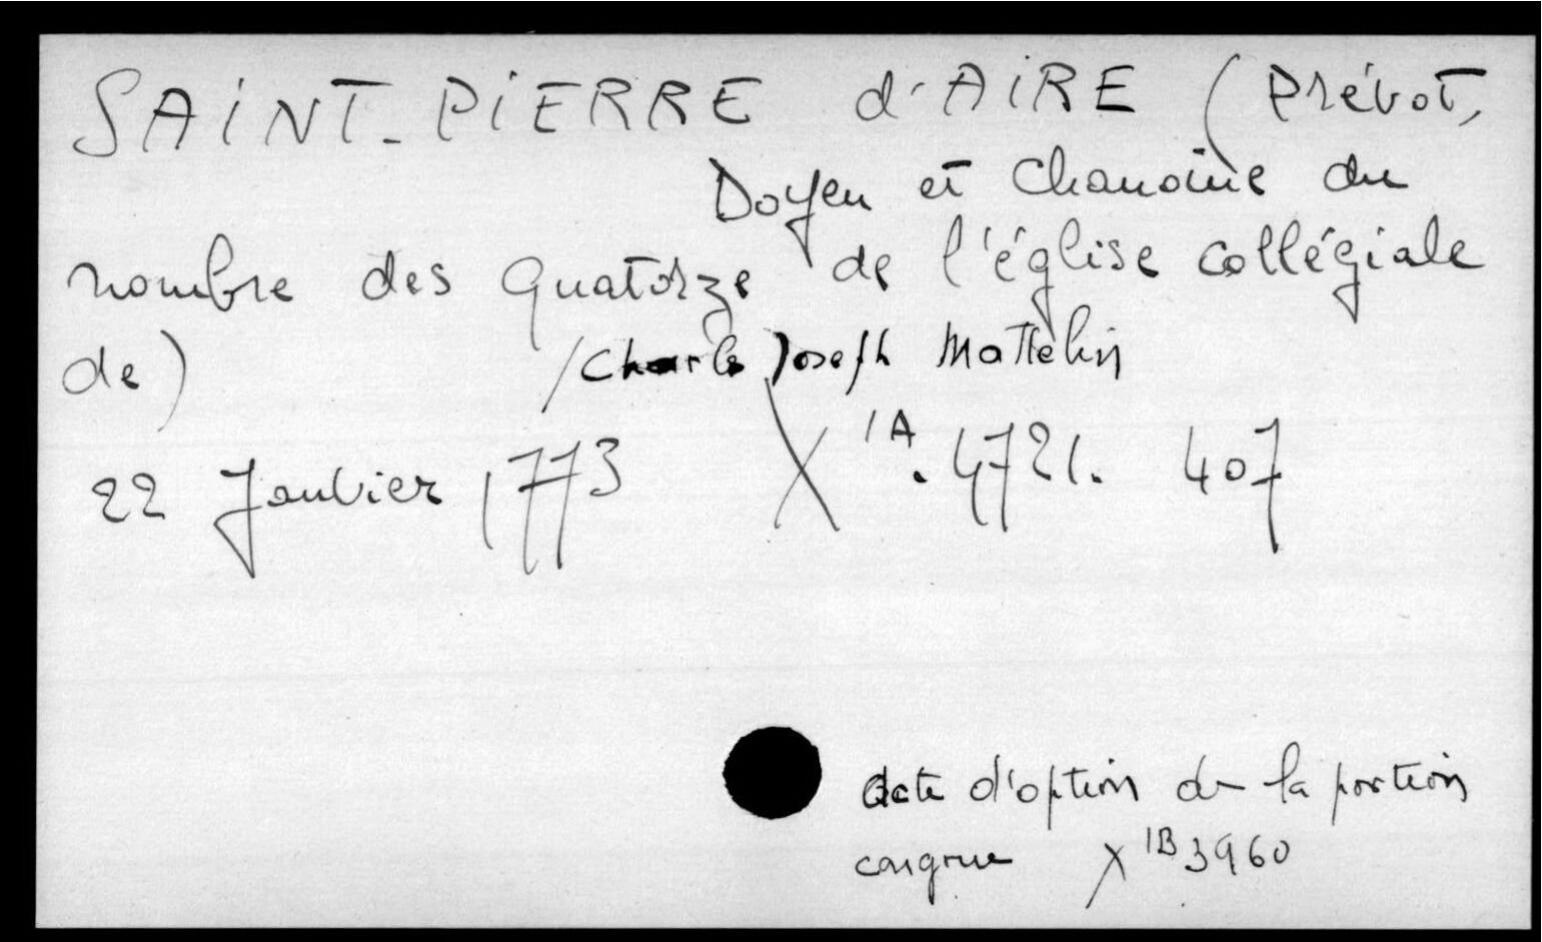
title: SAINT-PIERRE d'AIRE (Prévot, Doyen et chanoine du nombre des quatorze de l'église collégiale de)
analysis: Contre Charles Joseph Mattelin
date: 22 janvier 1773
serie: X1A
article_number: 4721
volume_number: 407
